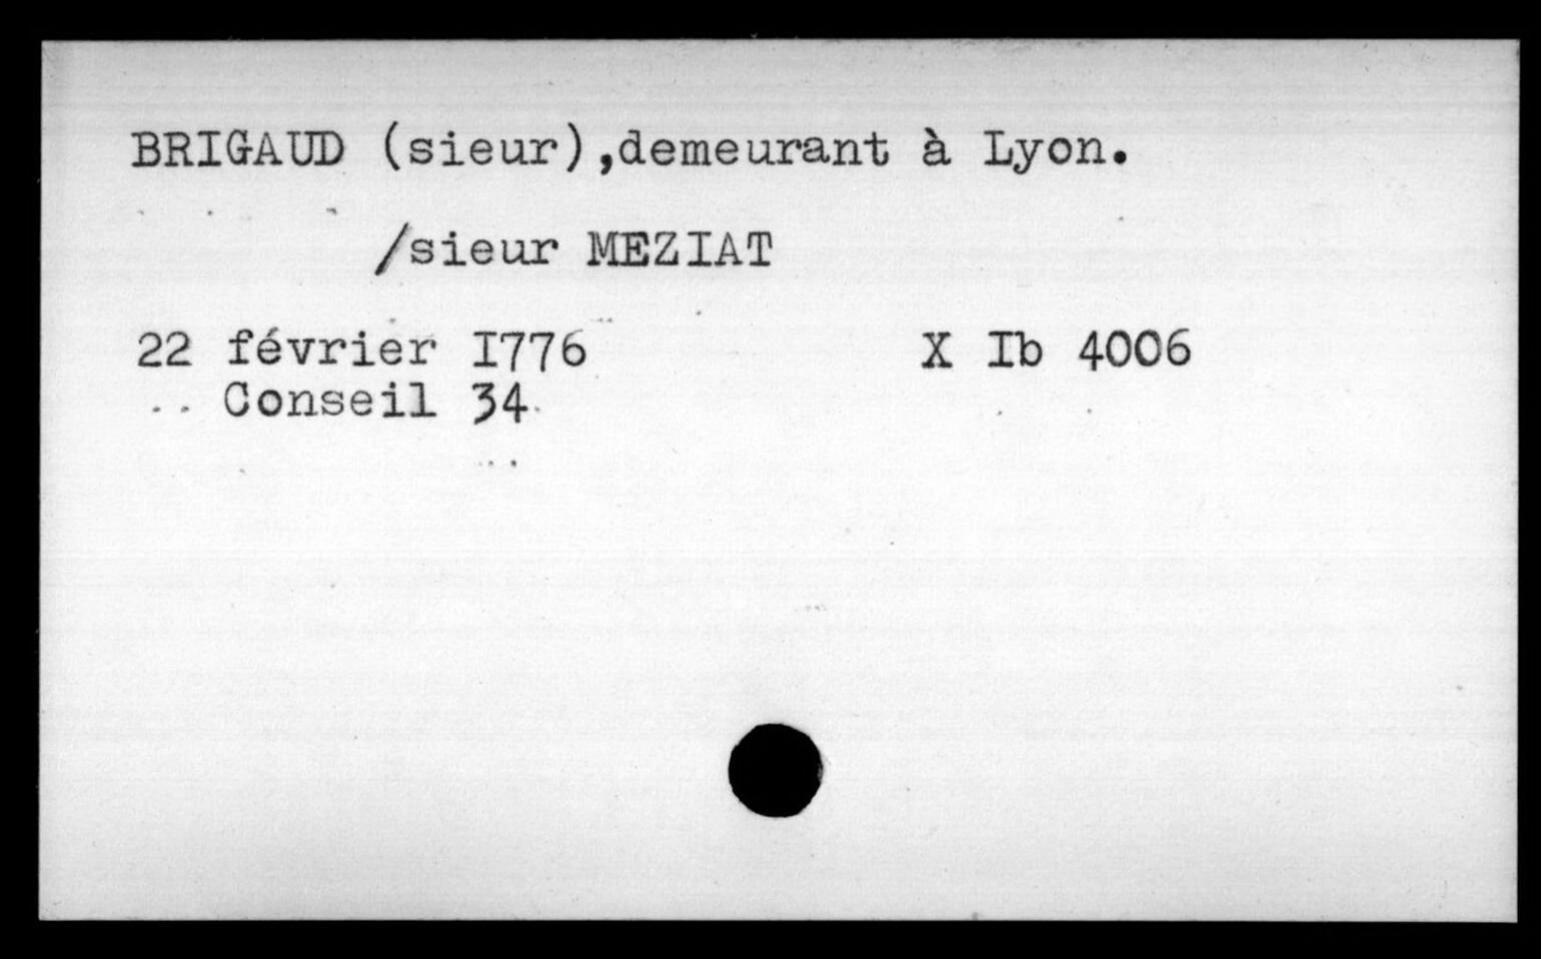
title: BRIGAUD (Sieur), demeurant à Lyon.
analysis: Contre sieur MEZIAT
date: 22 février 1776
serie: X1b
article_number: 4006
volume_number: Conseil 34
